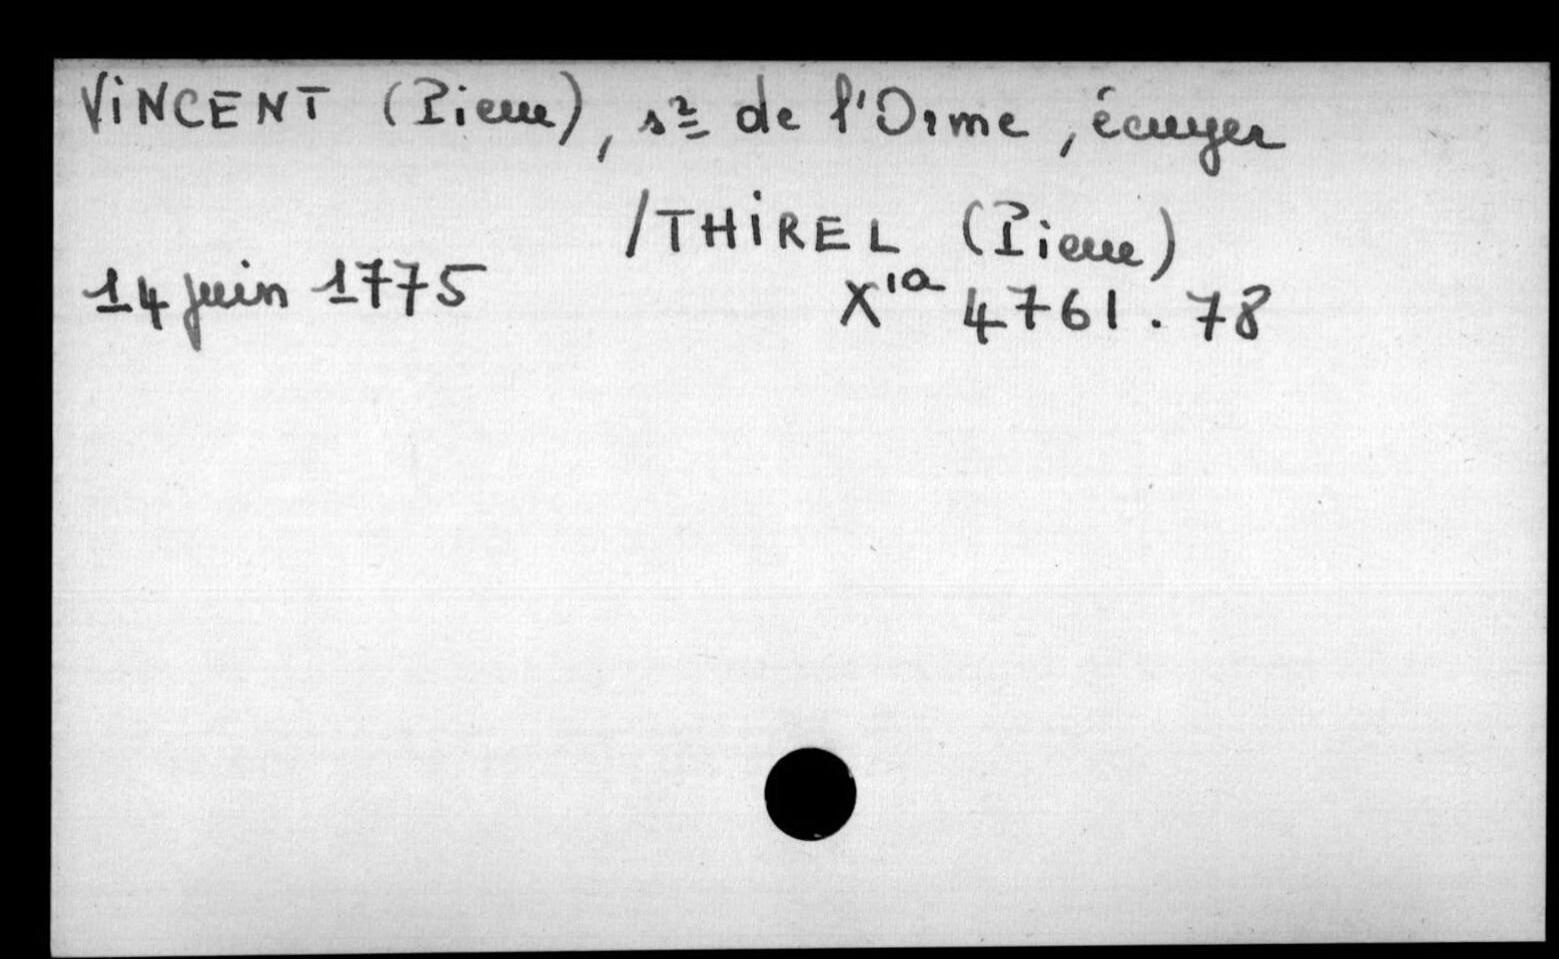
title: VINCENT (Pierre), seigneur de l'Orme, écuyer
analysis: Contre THIREL (Pierre)
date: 14 juin 1775
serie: X1a
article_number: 4761
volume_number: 78
